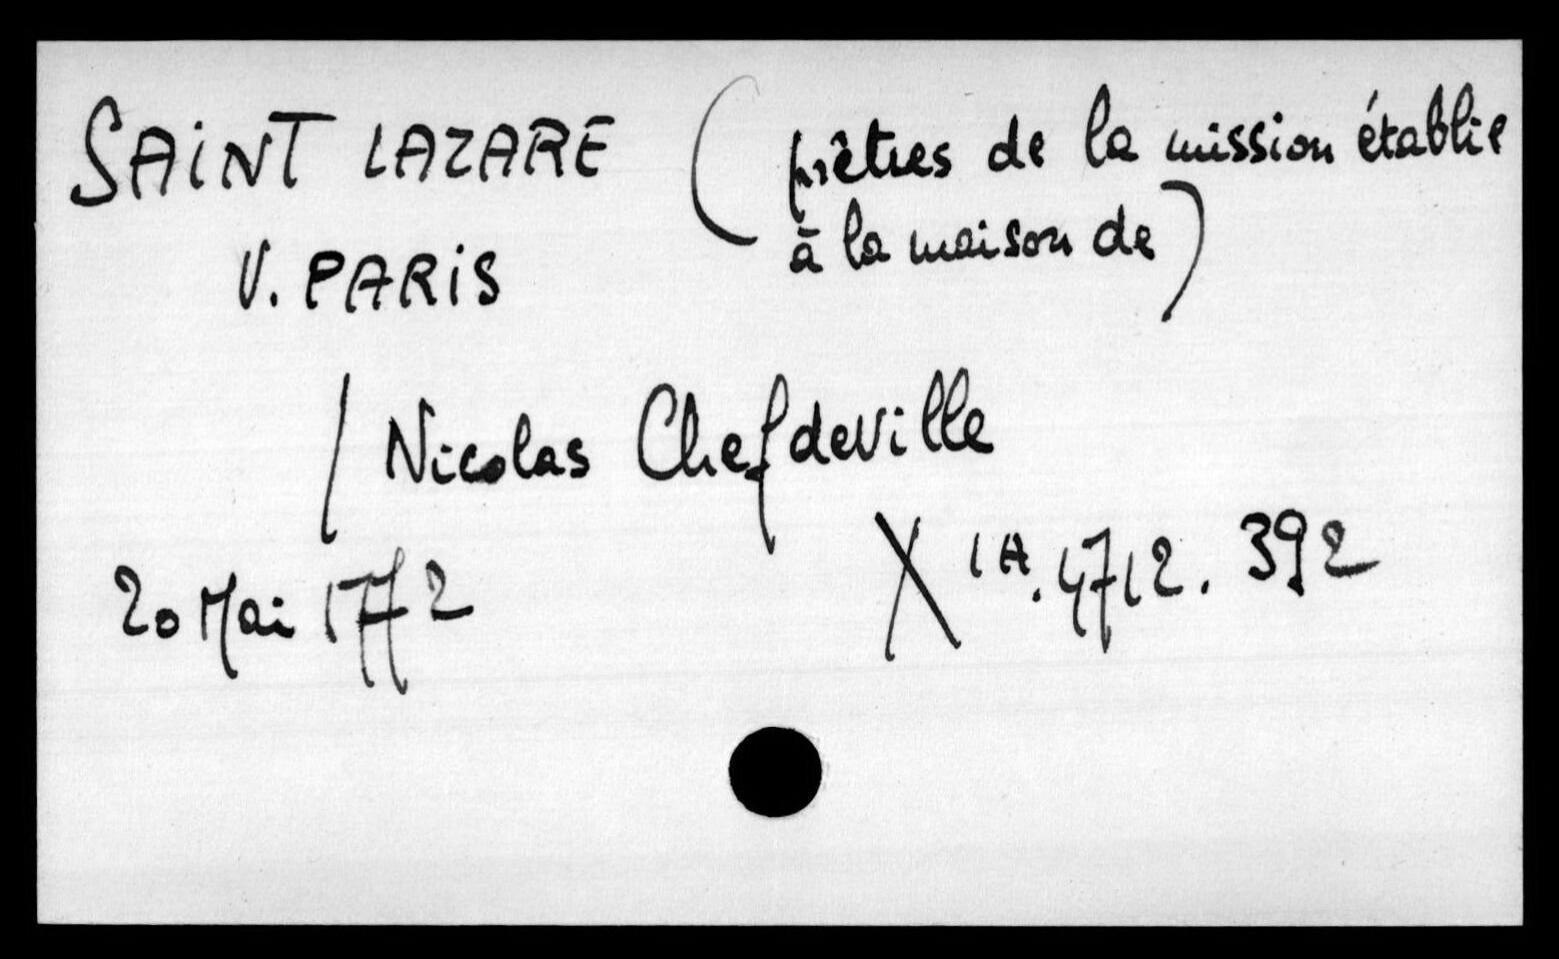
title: SAINT LAZARE (prêtres de la mission établie à la maison de) voir PARIS
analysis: Contre Nicolas Chefdeville
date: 20 mai 1772
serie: X1A
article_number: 4712
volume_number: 392
